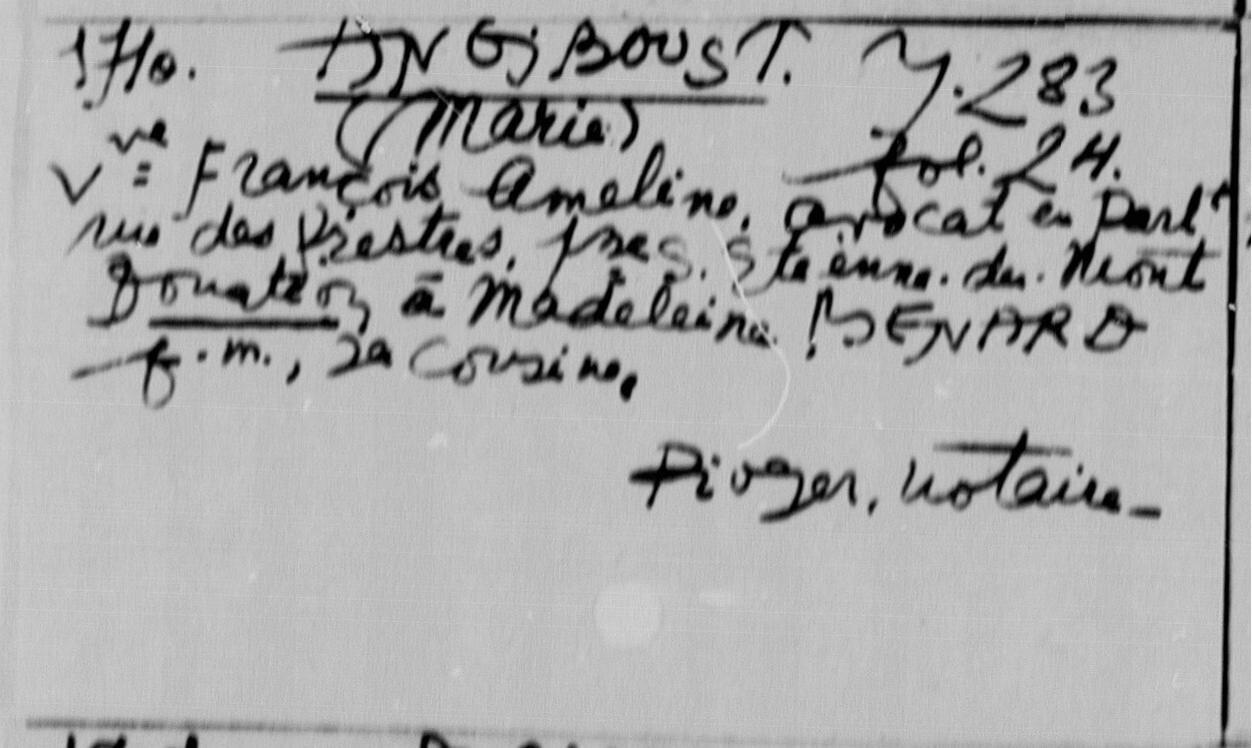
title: ANGIBOUST (Marie)
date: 1710
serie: Y
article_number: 283
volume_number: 24
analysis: Veuve François AMELINE, avocat en Parlement, rue des Prestres, paroisse Saint-Étienne-du-Mont. Donation à Madeleine BENARD, fille majeure, sa cousine. Pioger, notaire.
